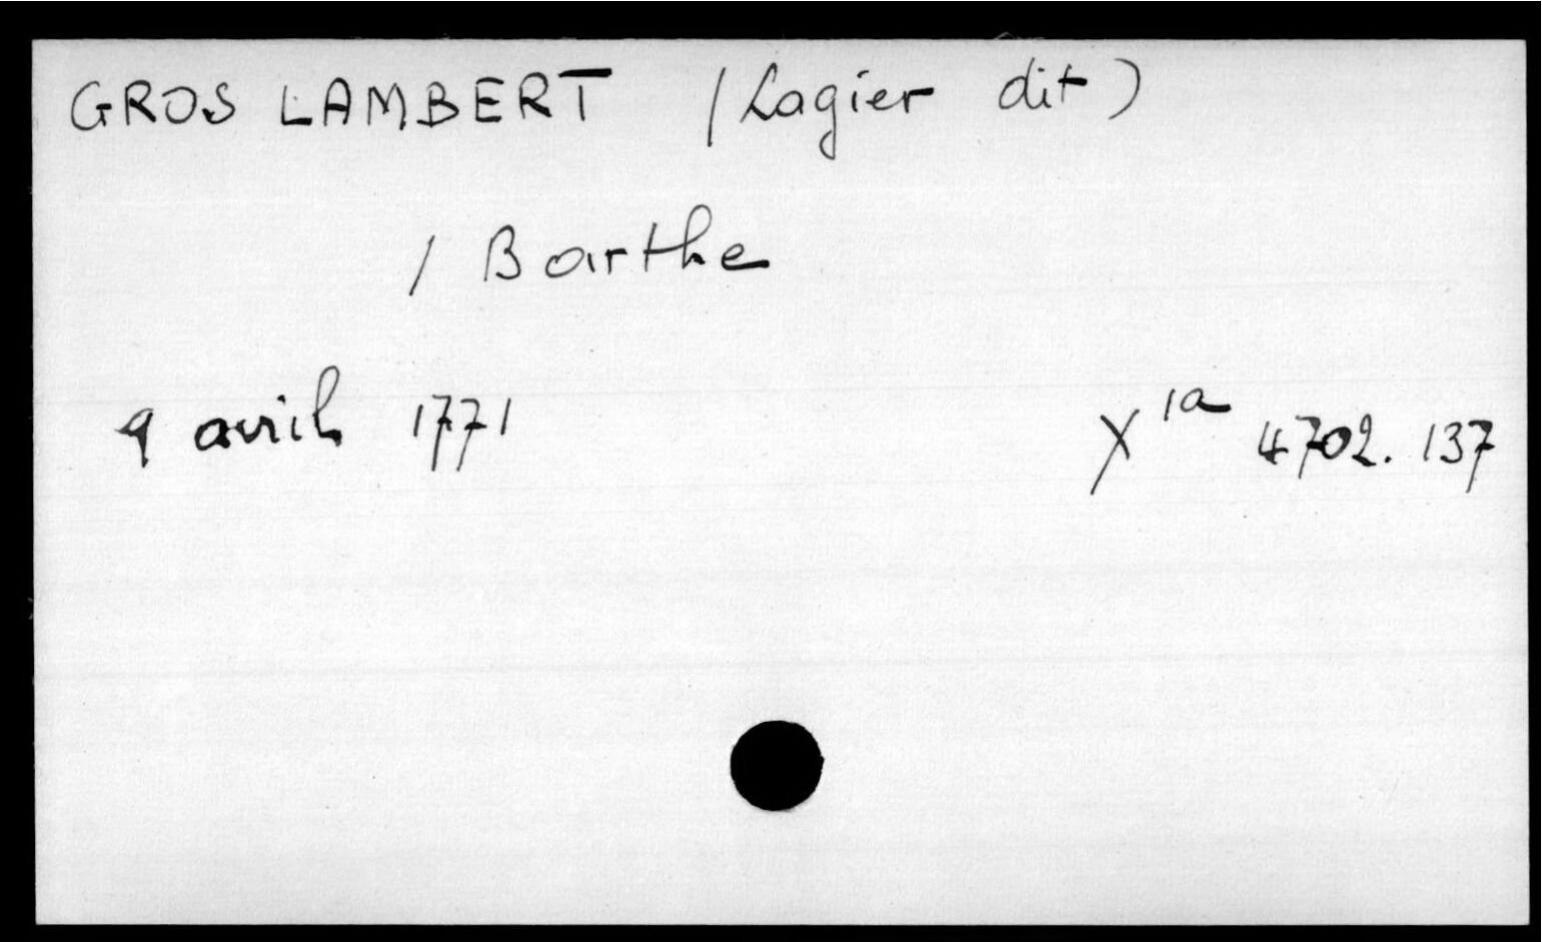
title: GROS LAMBERT (Lagier dit)
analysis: Contre Barthe
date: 9 avril 1771
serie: X1a
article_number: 4702
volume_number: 137
